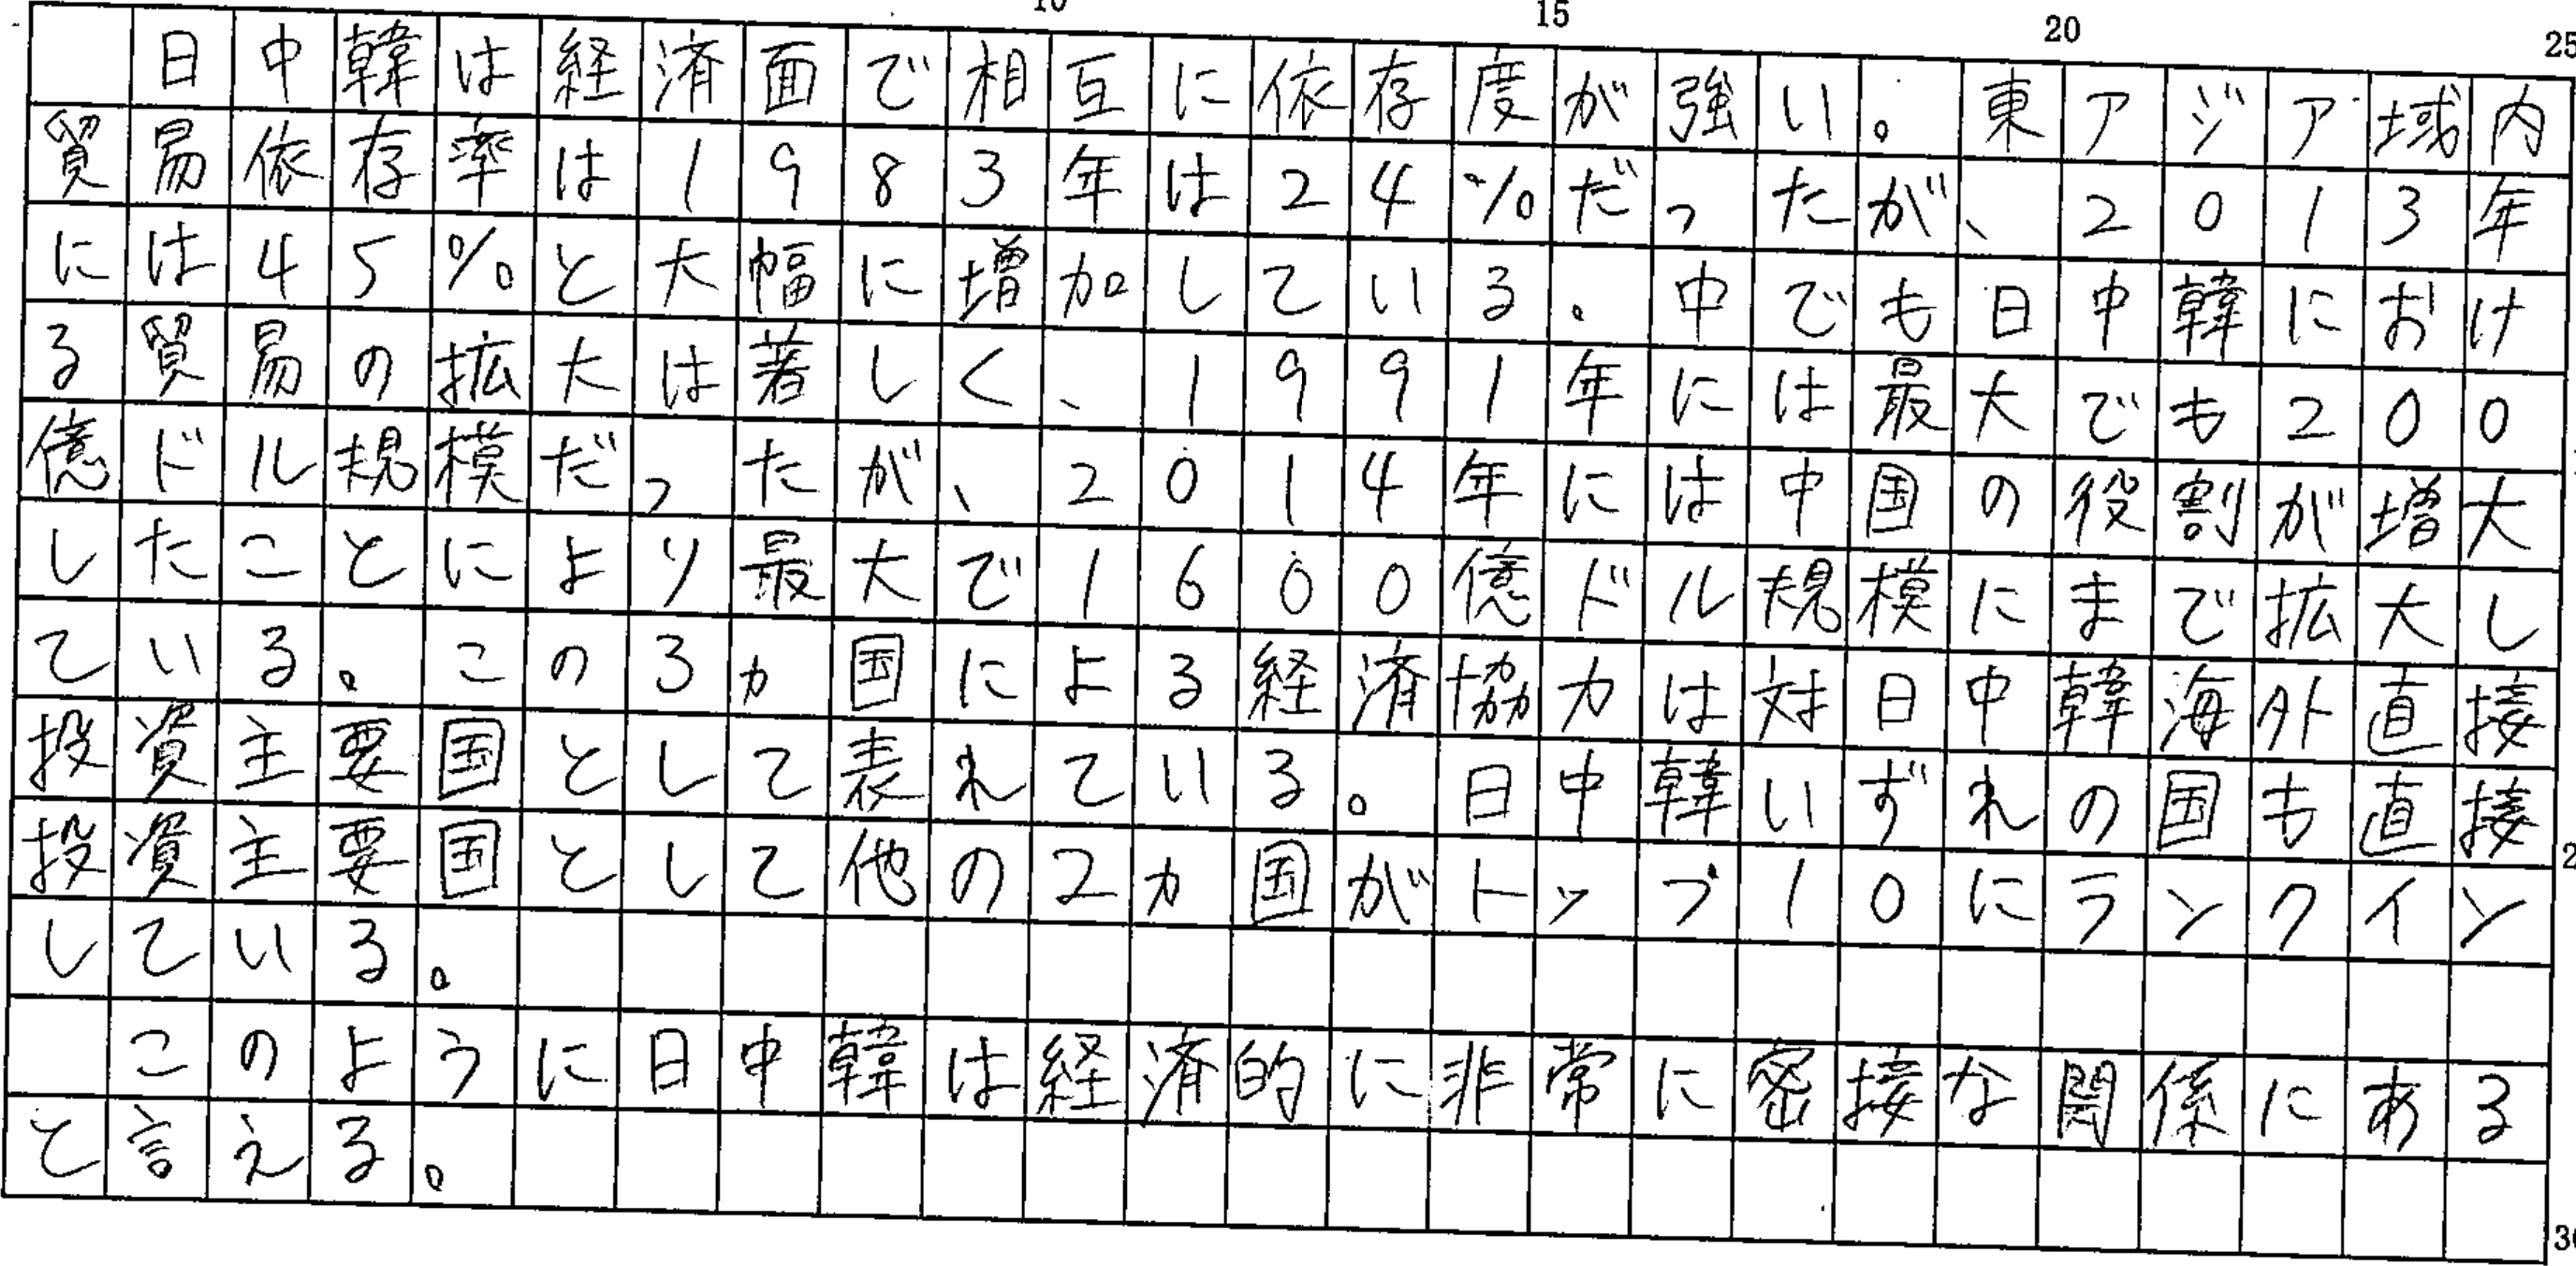　日中韓は経済面で相互に依存度が強い。東アジア域内貿易依存率は１９８３年は２４％だったが、２０１３年には４５％と大幅に増加している。中でも日中韓における貿易の拡大は著しく、１９９１年には最大でも２００億ドル規模だったが、２０１４年には中国の役割が増大したことにより最大で１６００億ドル規模にまで拡大している。この３ヵ国による経済協力は対日中韓海外直接投資主要国として表れている。日中韓いずれの国も直接投資主要国として他の２ヵ国がトップ１０にランクインしている。
　このように日中韓は経済的に非常に密接な関係にあると言える。
